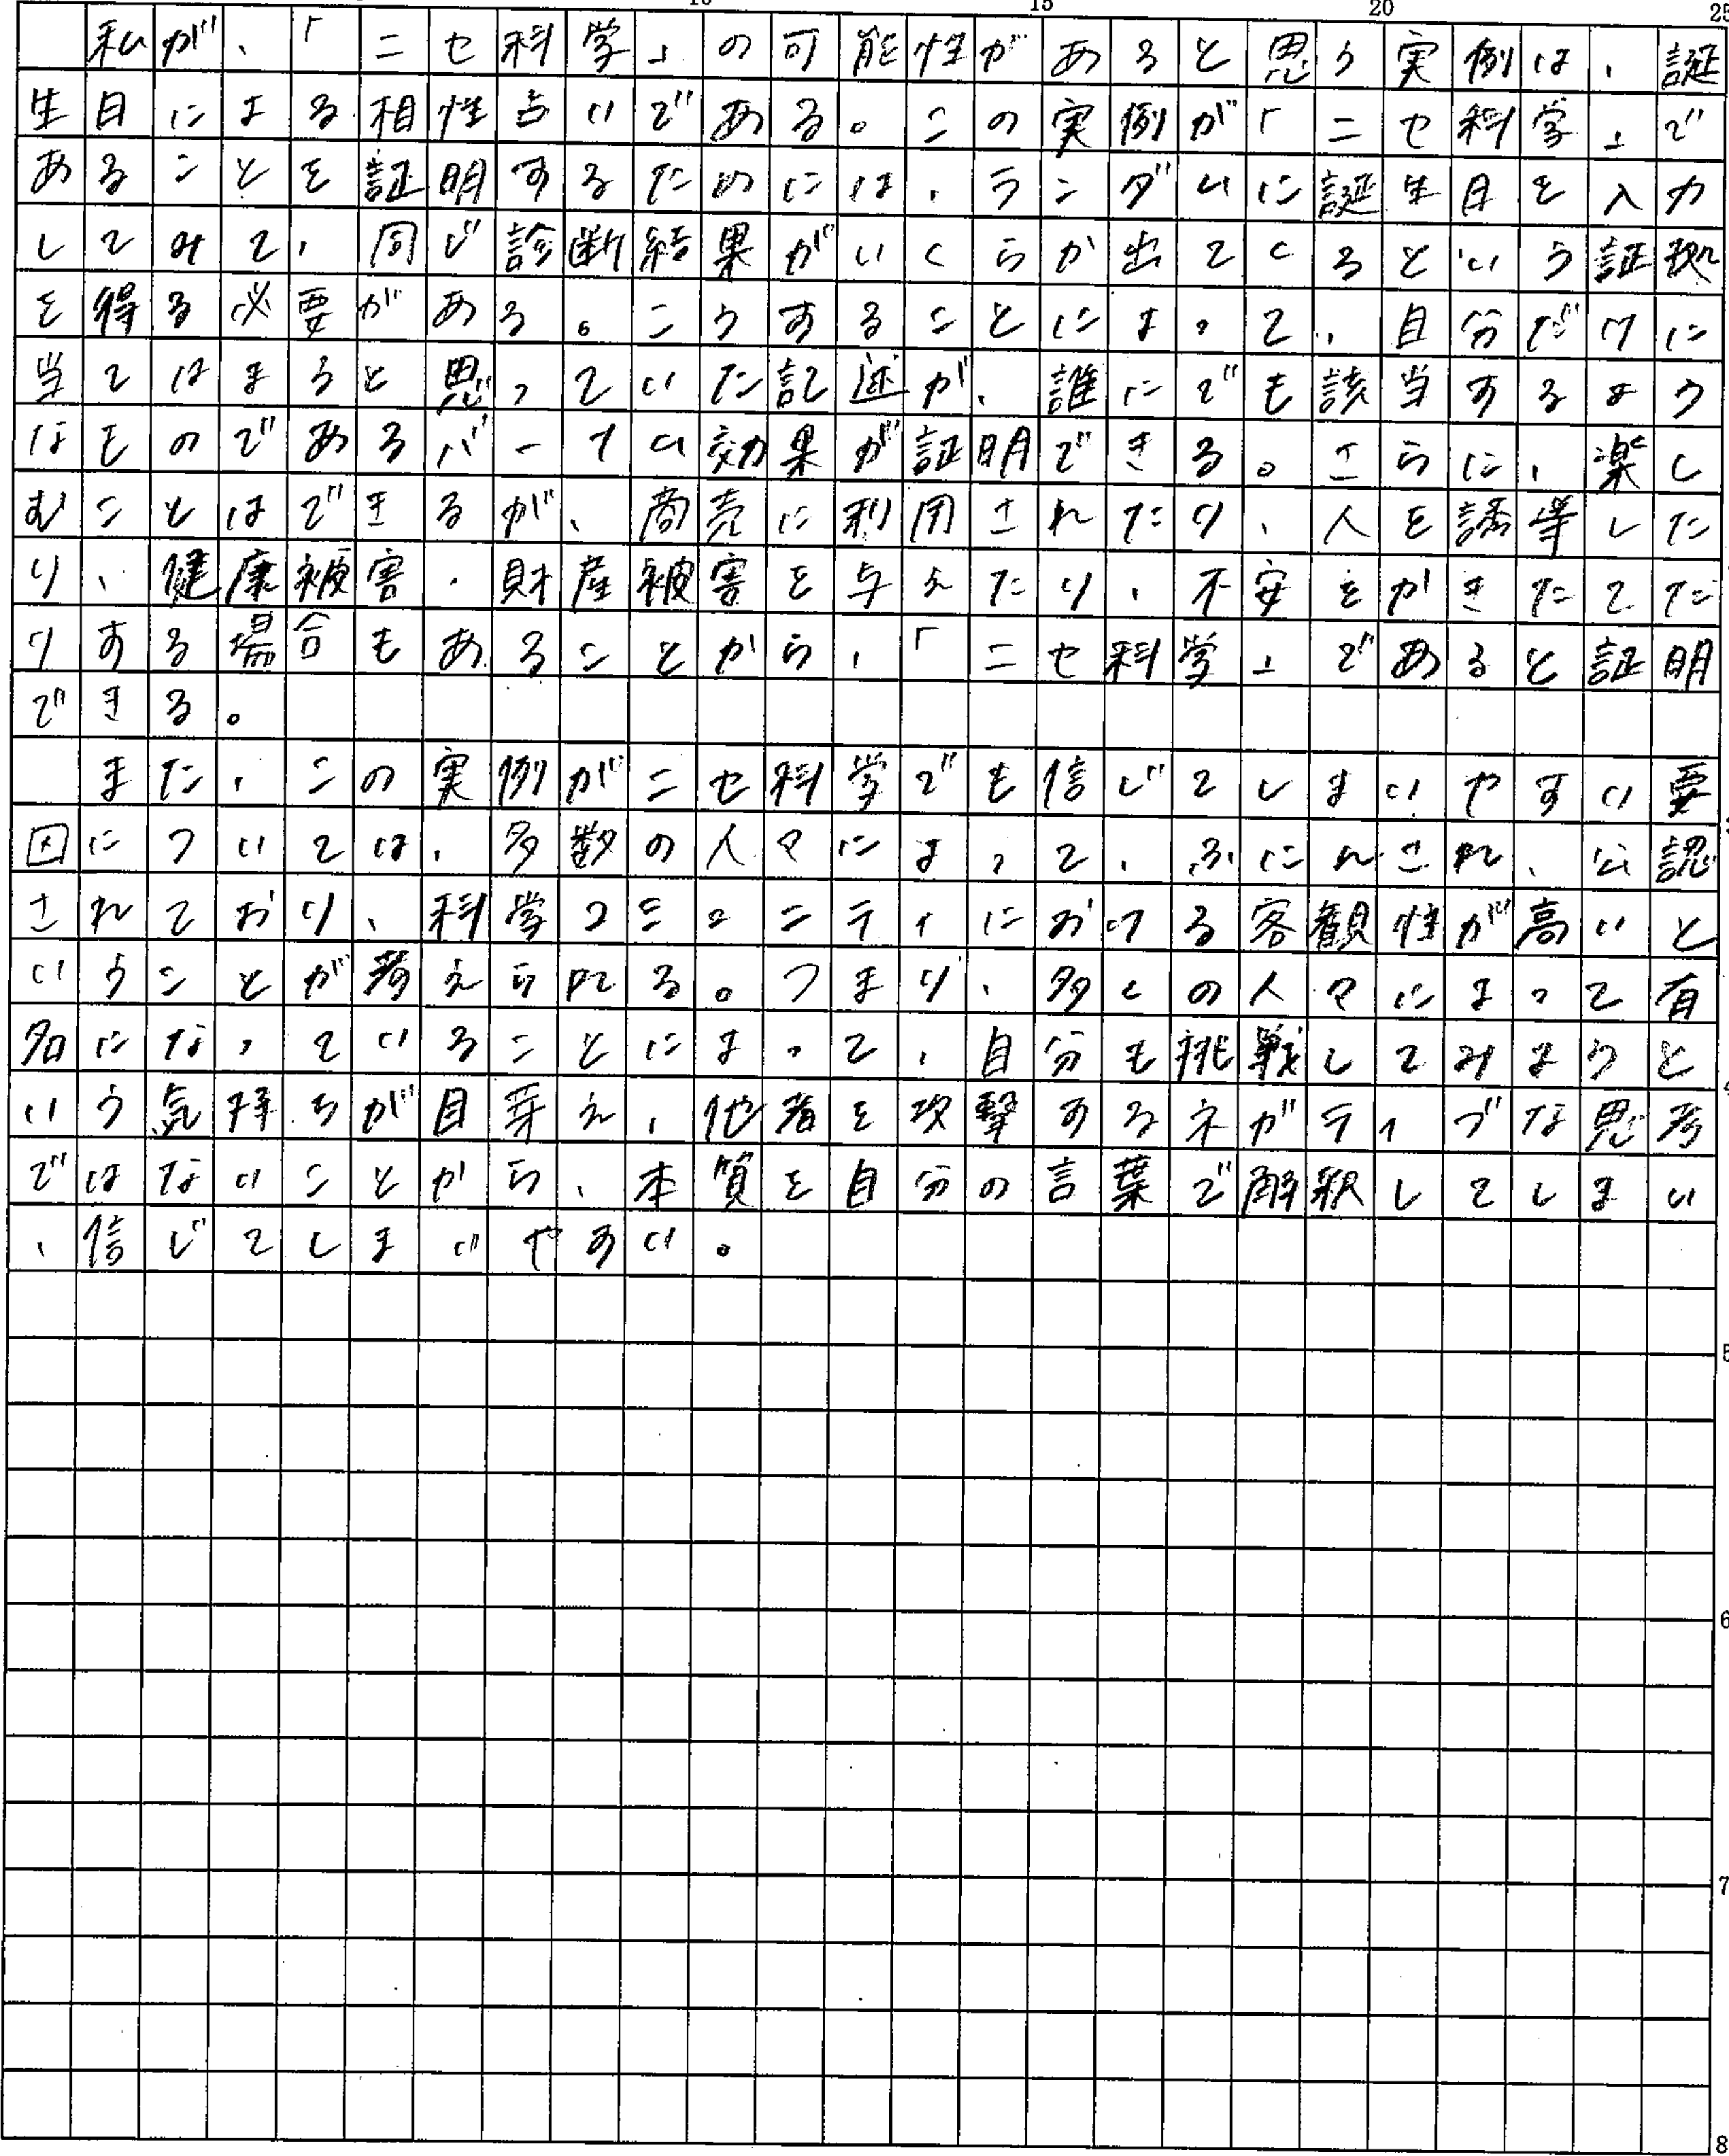　私が、「ニセ科学」の可能性があると思う実例は、誕生日による相性占いである。この実例が「ニセ科学」であることを証明するためには、ランダムに誕生日を入力してみて，同じ診断結果がいくらか出てくるという証拠を得る必要がある。こうすることによって、自分だけに当てはまると思っていた記述が、誰にでも該当するようなものであるバーナム効果が証明できる。さらに、楽しむことはできるが、商売に利用されたり、人を誘導したり、健康被害・財産被害を与えたり、不安をかきたてたりする場合もあることから、「ニセ科学」であると証明できる。
　また、この実例がニセ科学でも信じてしまいやすい要因については、多数の人々によって、▁にんされ、公認されており、科学コミュニティにおける客観性が高いということが考えられる。つまり、多くの人々によって有名になっていることによって、自分も挑戦してみようという気持ちが目芽え、他者を攻撃するネガティブな思考ではないことから、本質を自分の言葉で解釈してしまい、信じてしまいやすい。
